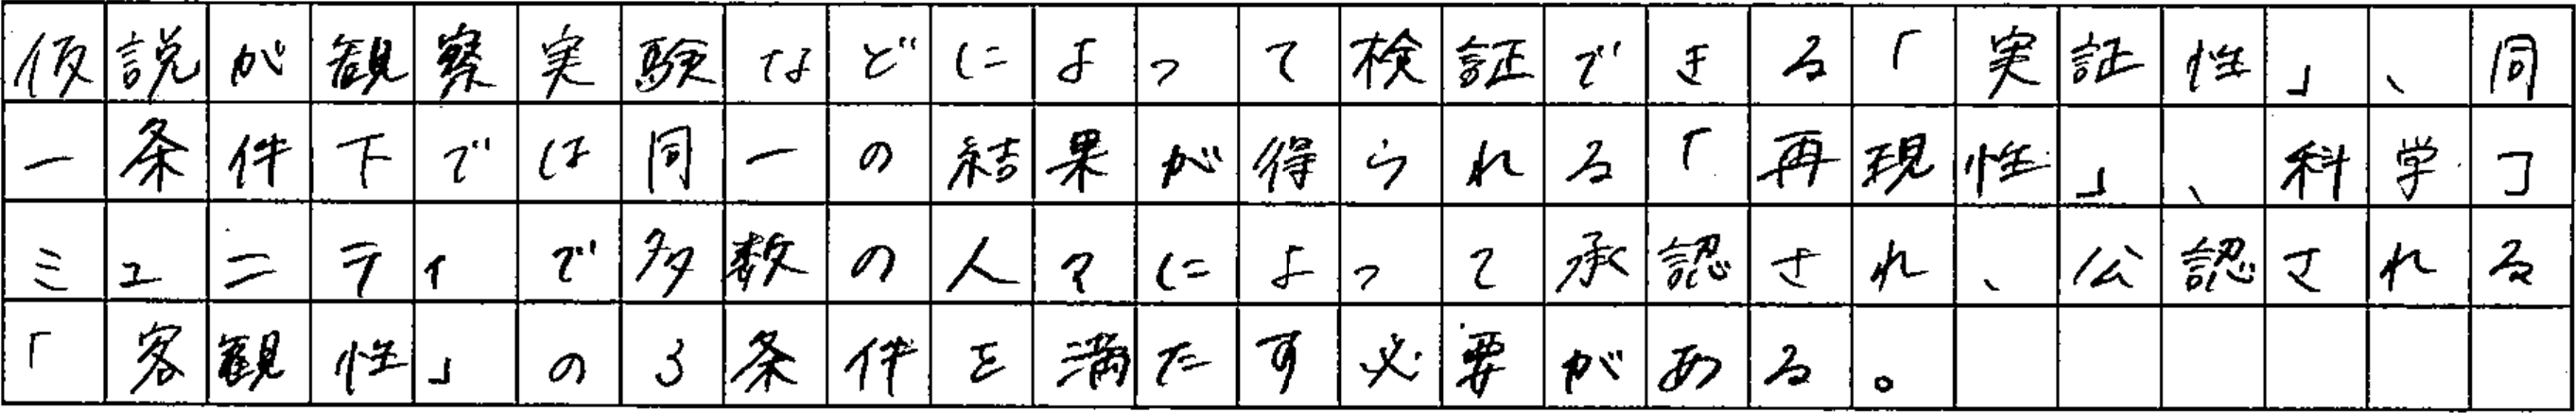仮説が観察実験などによって検証できる「実証性」、同一条件下では同一の結果が得られる「再現性」、科学コミュニティで多数の人々によって承認され、公認される「客観性」の３条件を満たす必要がある。
